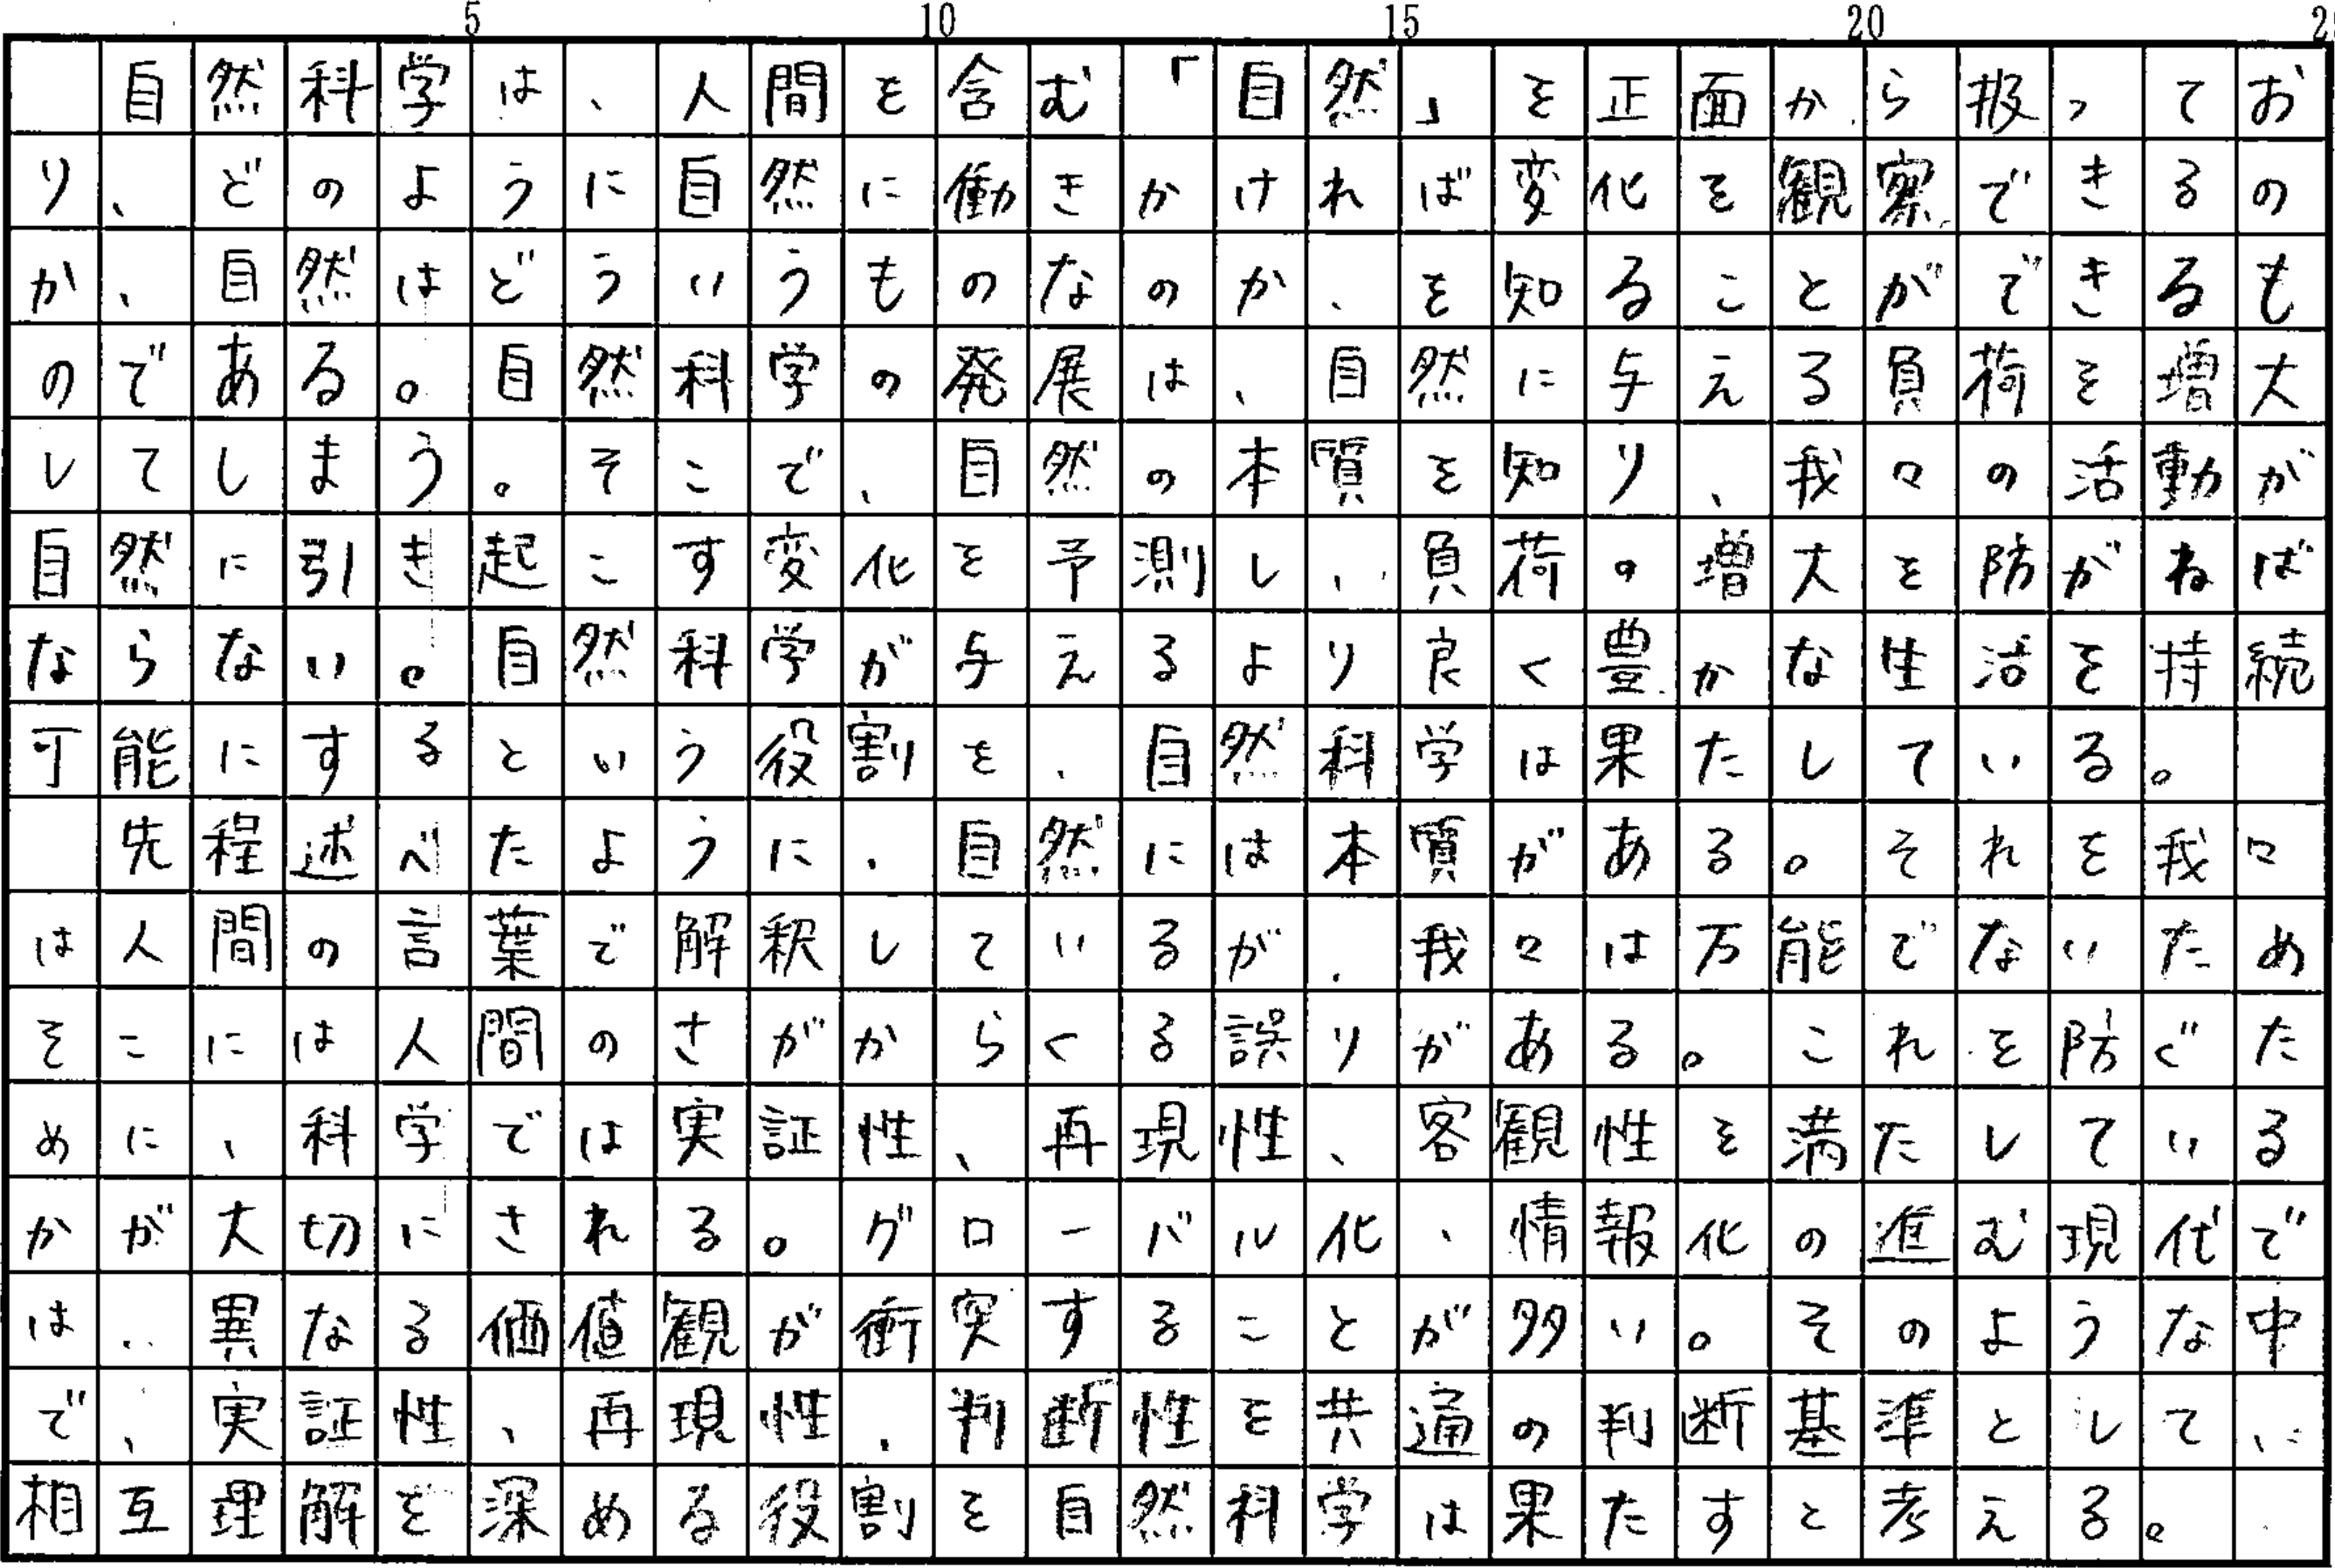　自然科学は、人間を含む「自然」を正面から扱っており、どのように自然に働きかければ変化を観察できるのか、自然はどういうものなのか、を知ることができるものである。自然科学の発展は、自然に与える負荷を増大してしまう。そこで、自然の本質を知り、我々の活動が自然に引き起こす変化を予測し、負荷の増大を防がねばならない。自然科学が与えるより良く豊かな生活を持続可能にするという役割を、自然科学は果たしている。
　先程述べたように、自然には本質がある。それを我々は人間の言葉で解釈しているが、我々は万能でないためそこには人間のさがからくる誤りがある。これを防ぐために、科学では実証性、再現性、客観性を満たしているかが大切にされる。グローバル化、情報化の進む現代では、異なる価値観が衝突することが多い。そのような中で、実証性、再現性、判断性を共通の判断基準として、相互理解を深める役割を自然科学は果たすと考える。
